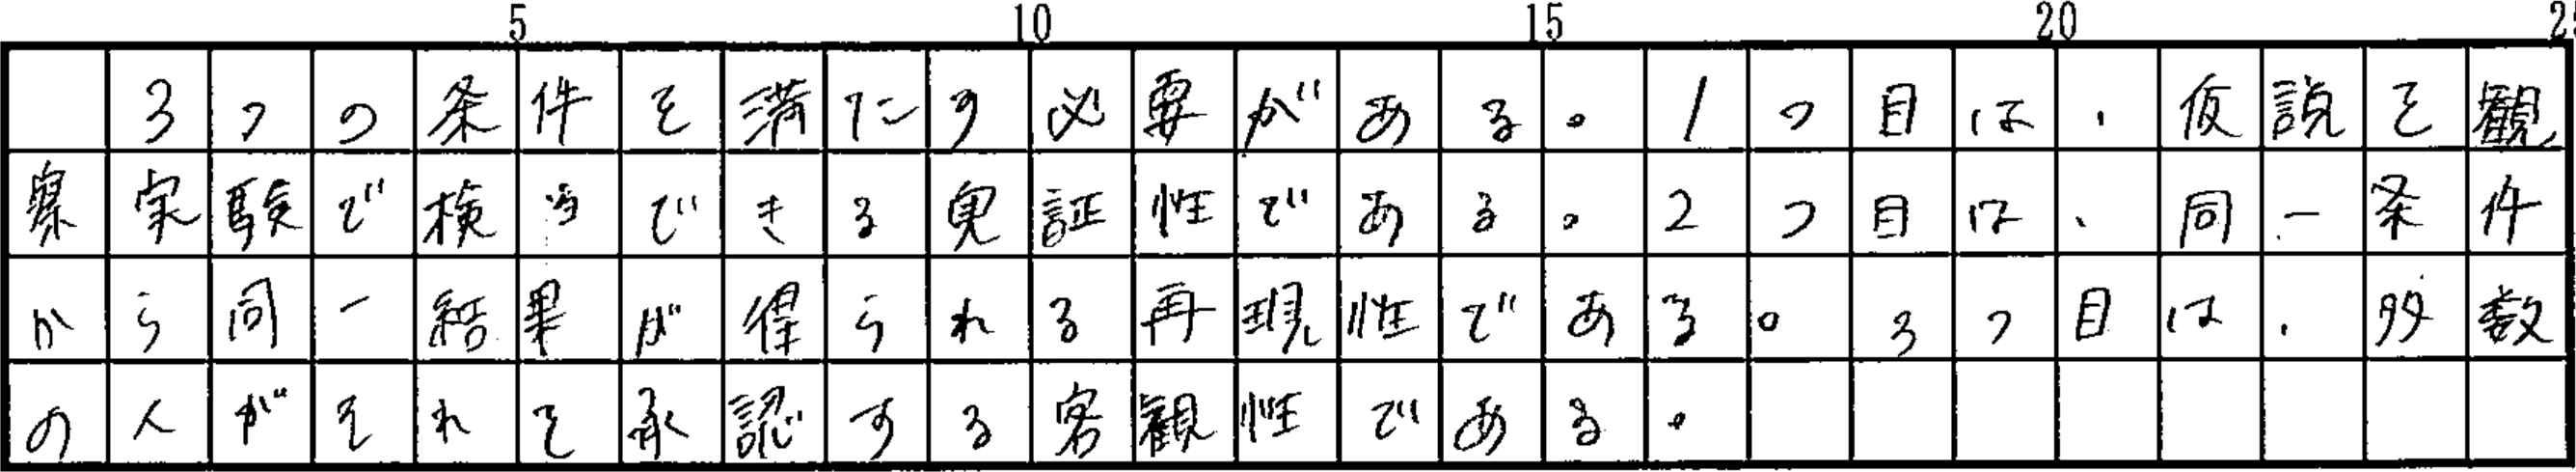　３つの条件を満たす必要がある。１つ目は、仮説を観察実験で検当できる実証性である。２つ目は、同一条件から同一結果が得られる再現性である。３つ目は、多数の人がそれを承認する客観性である。
